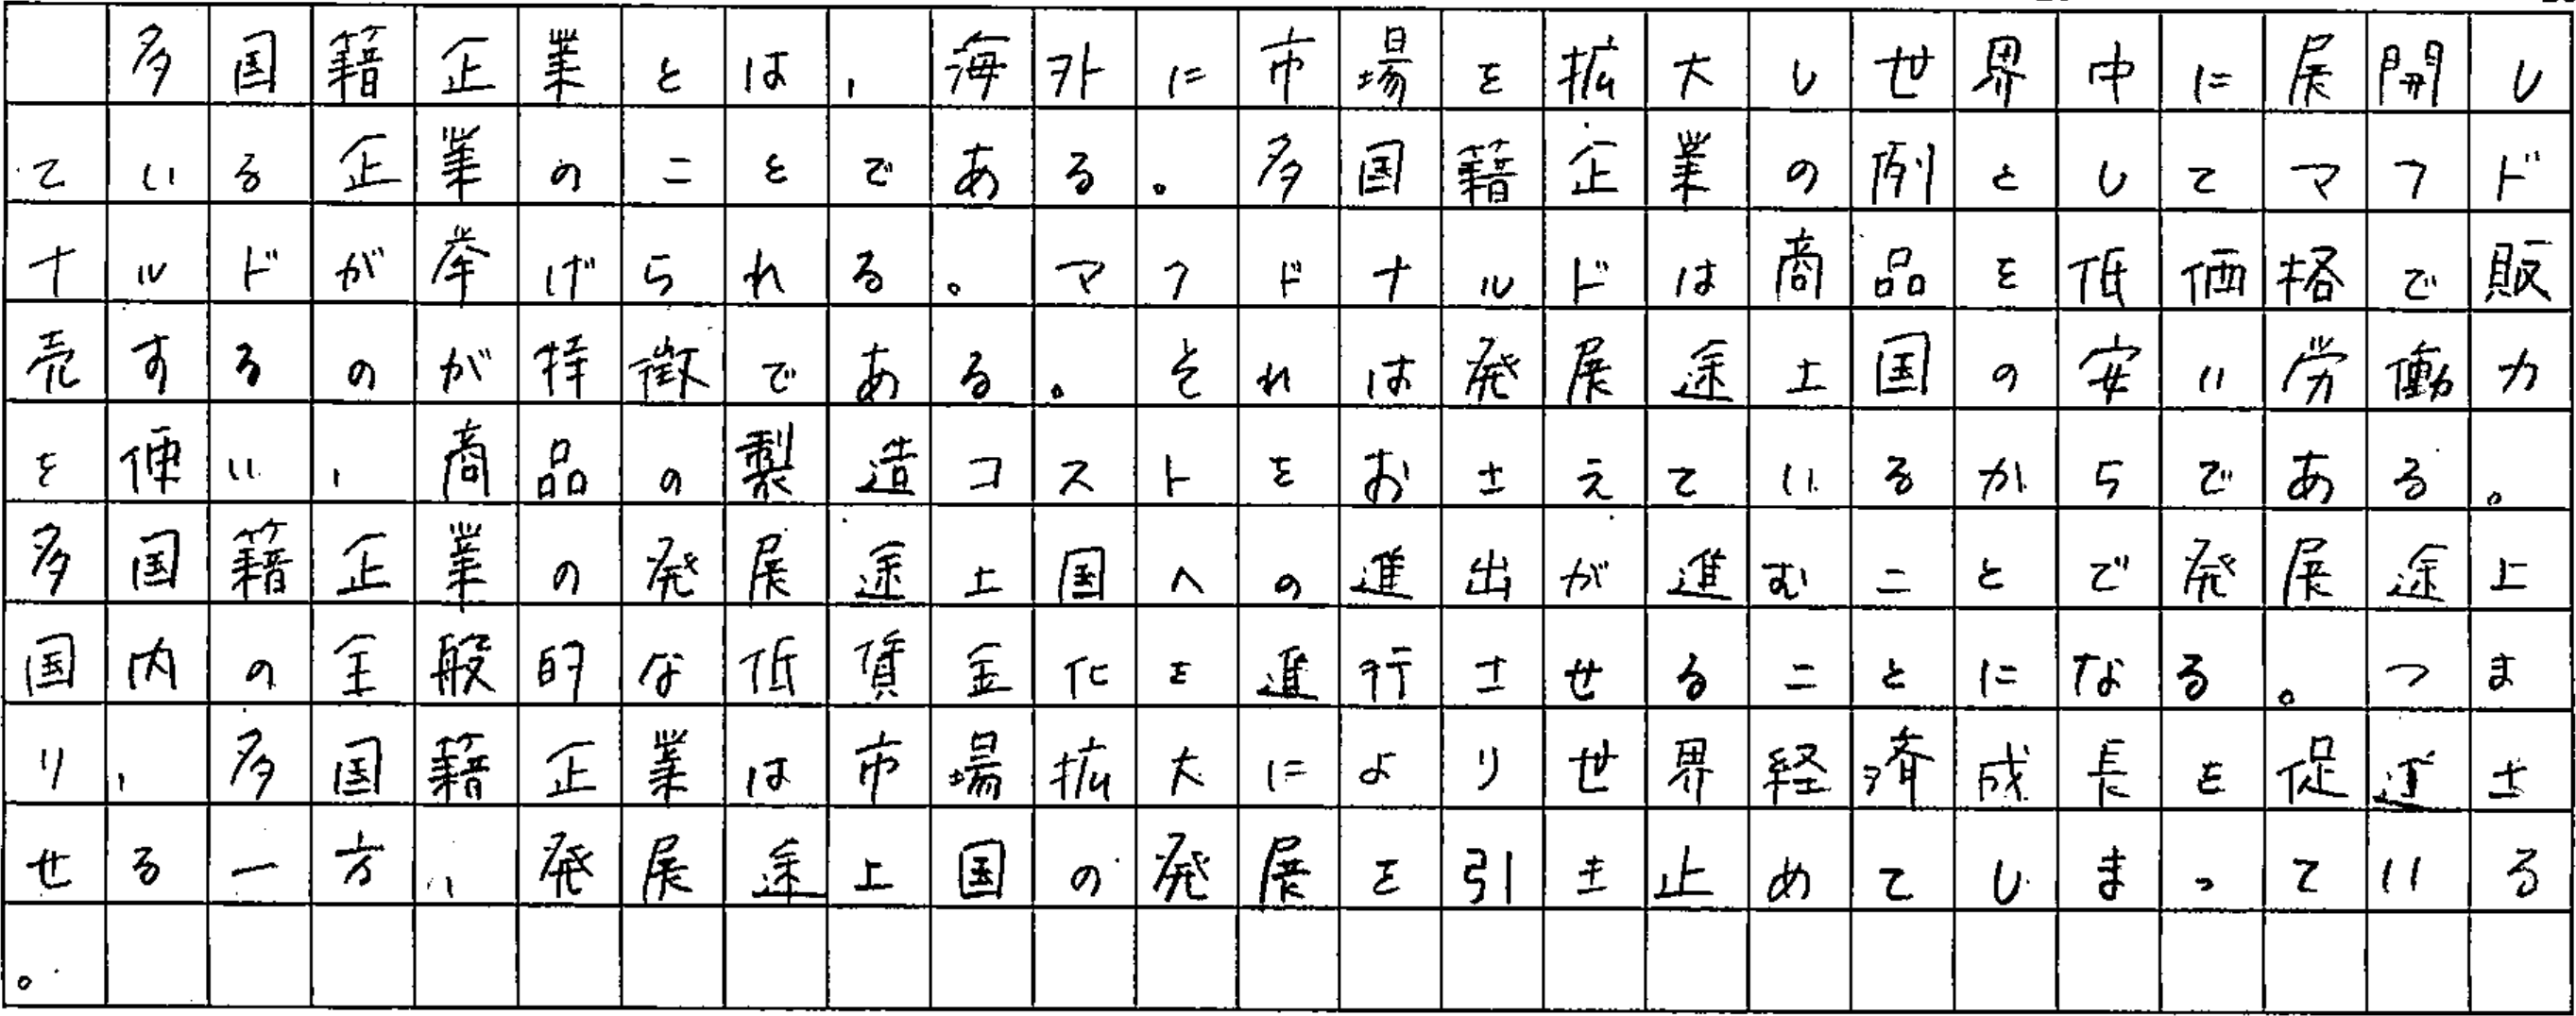　多国籍企業とは、海外に市場を拡大し世界中に展開している企業のことである。多国籍企業の例としてマクドナルドが挙げられる。マクドナルドは商品を低価格で販売するのが特徴である。それは発展途上国の安い労働力を使い、商品の製造コストをおさえているからである。多国籍企業の発展途上国への進出が進むことで発展途上国内の全般的な低賃金化を進行させることになる。つまり、多国籍企業は市場拡大により世界経済成長を促進させる一方、発展途上国の発展を引き止めてしまっている。
